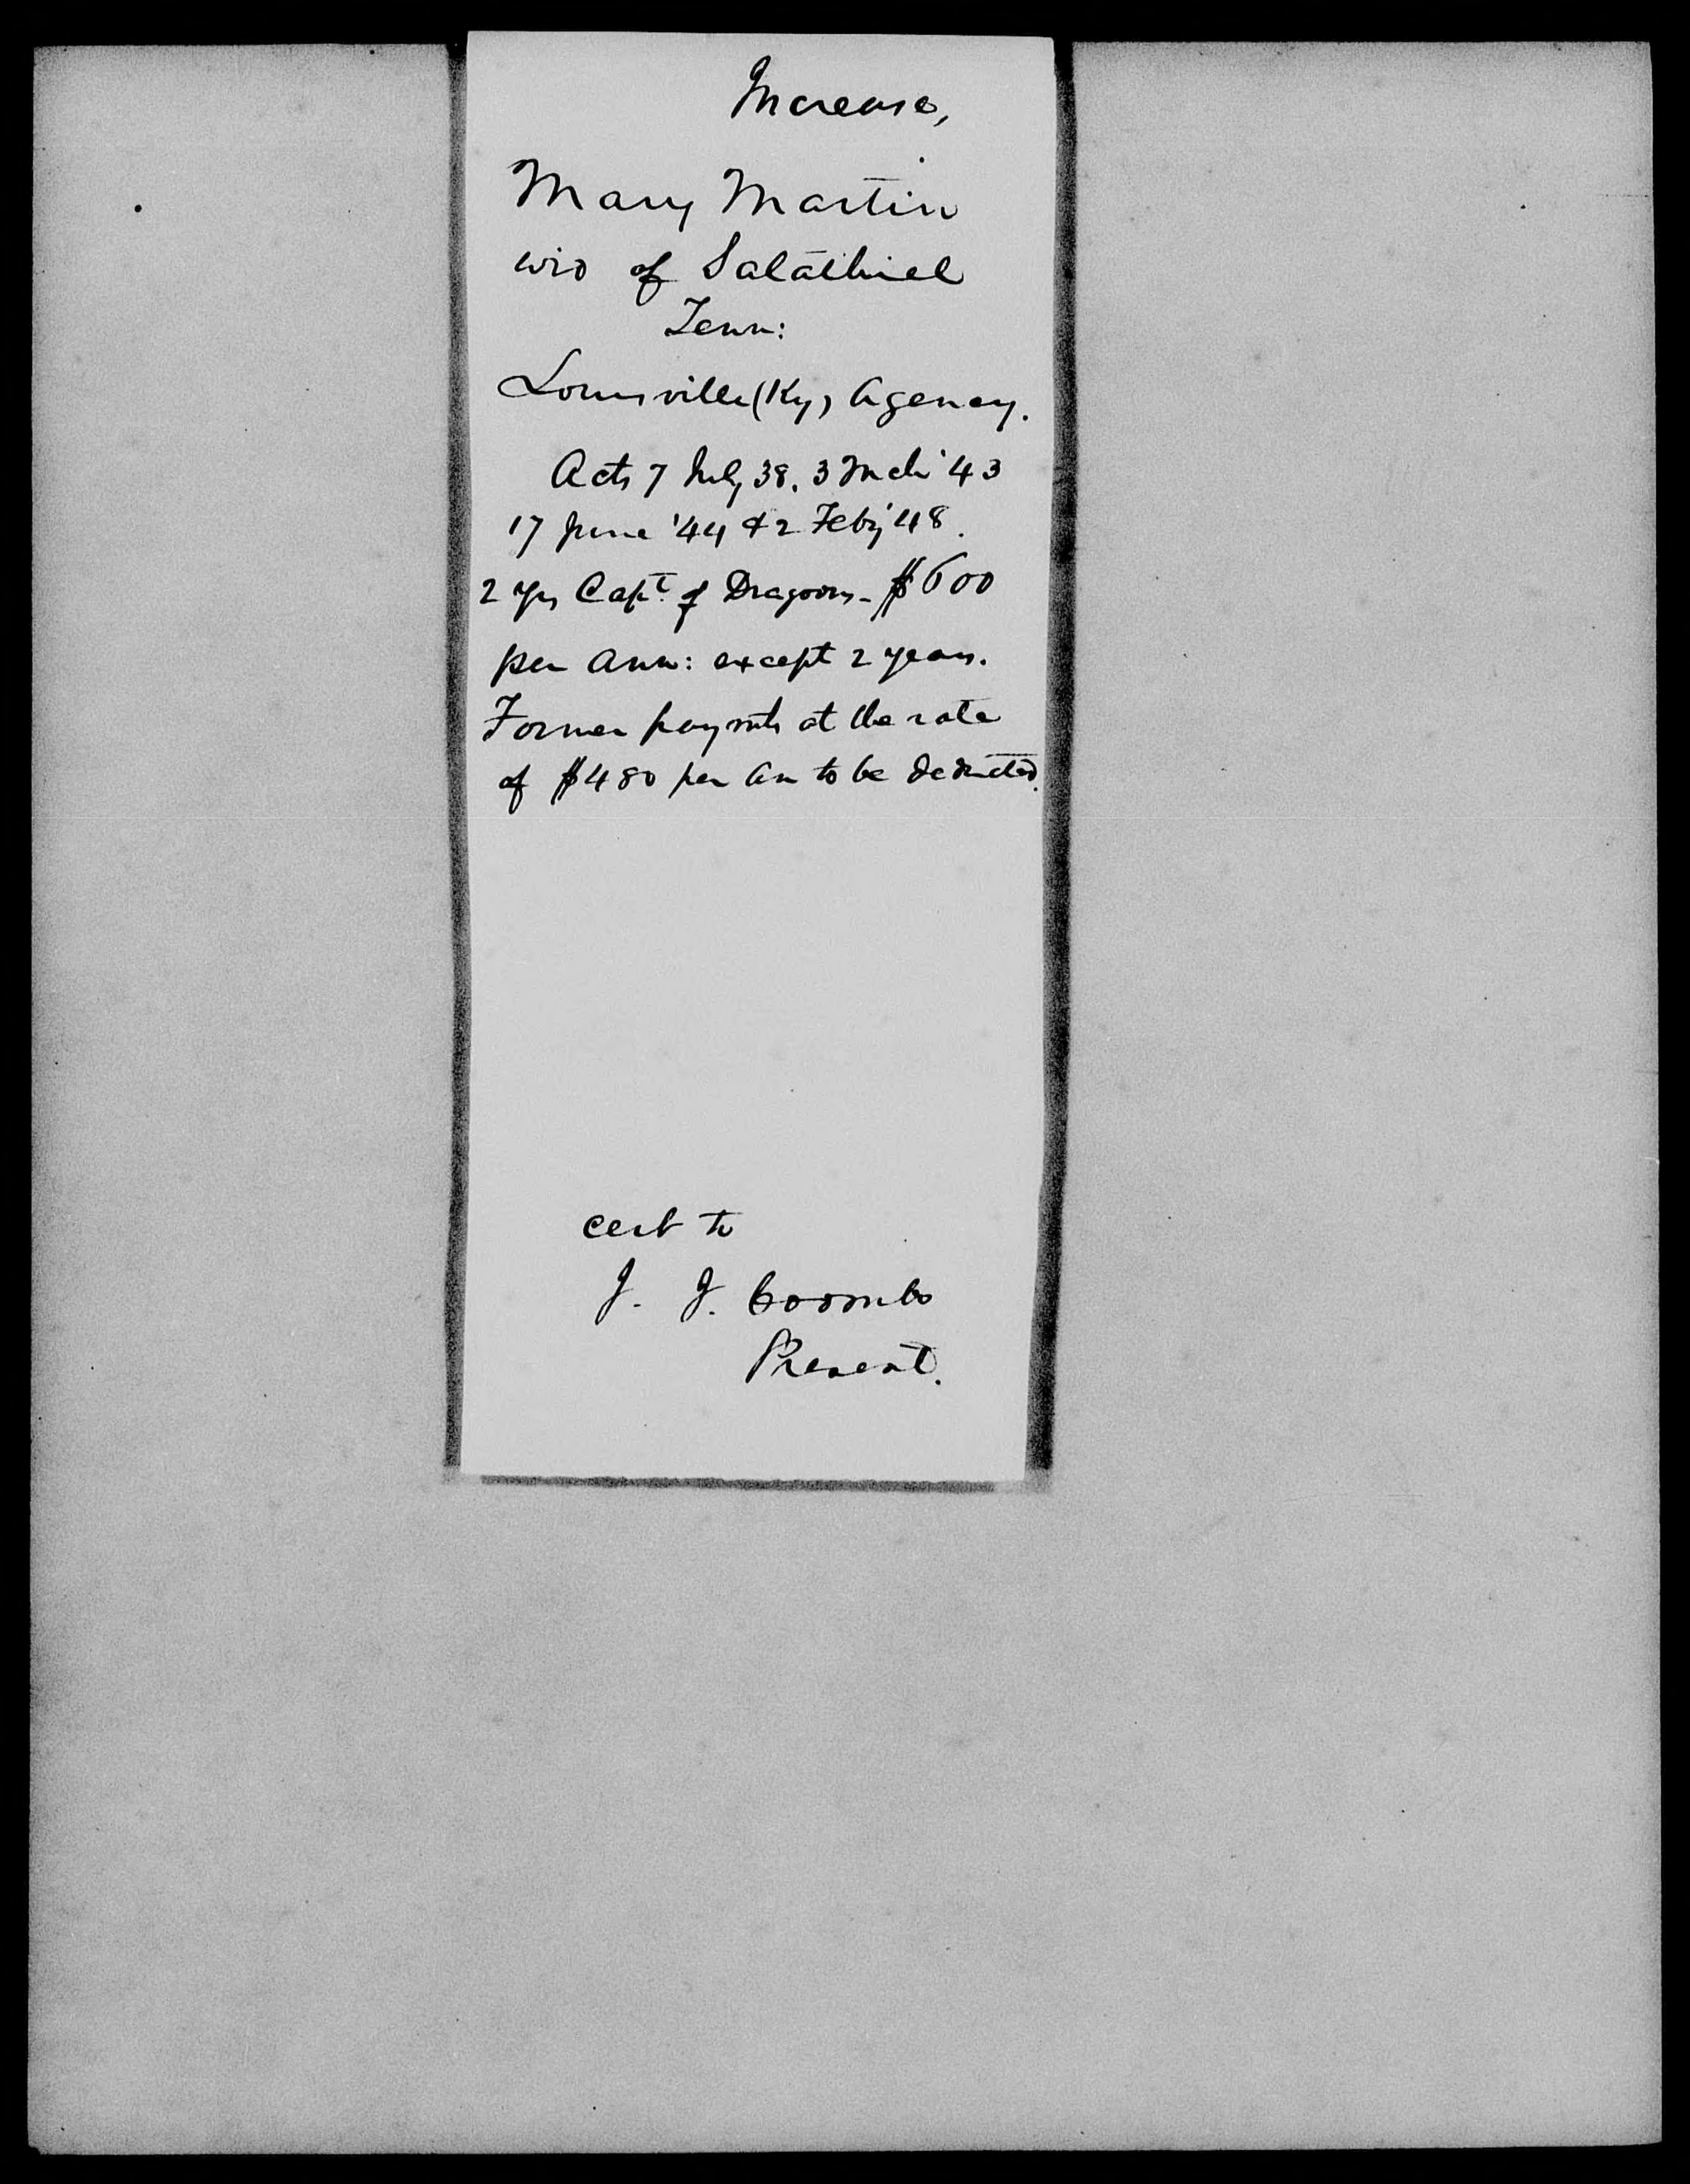Increase,
Mary Martin
wid of Salathiel
Tenn:
Louisville (Ky) Agency.

Acts 7 July 38. 3 Mch '43
17 June '44 & 2 Feb '48
2 yrs Capt of Dragoons $600
per ann: except 2 years.
Former paymts at the rate
of $480 per an to be deducted.

Cert to
J. J. Coombs
Present.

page: 98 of 120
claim: widow's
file: W. 1044, for Salathiel Martin, North Carolina